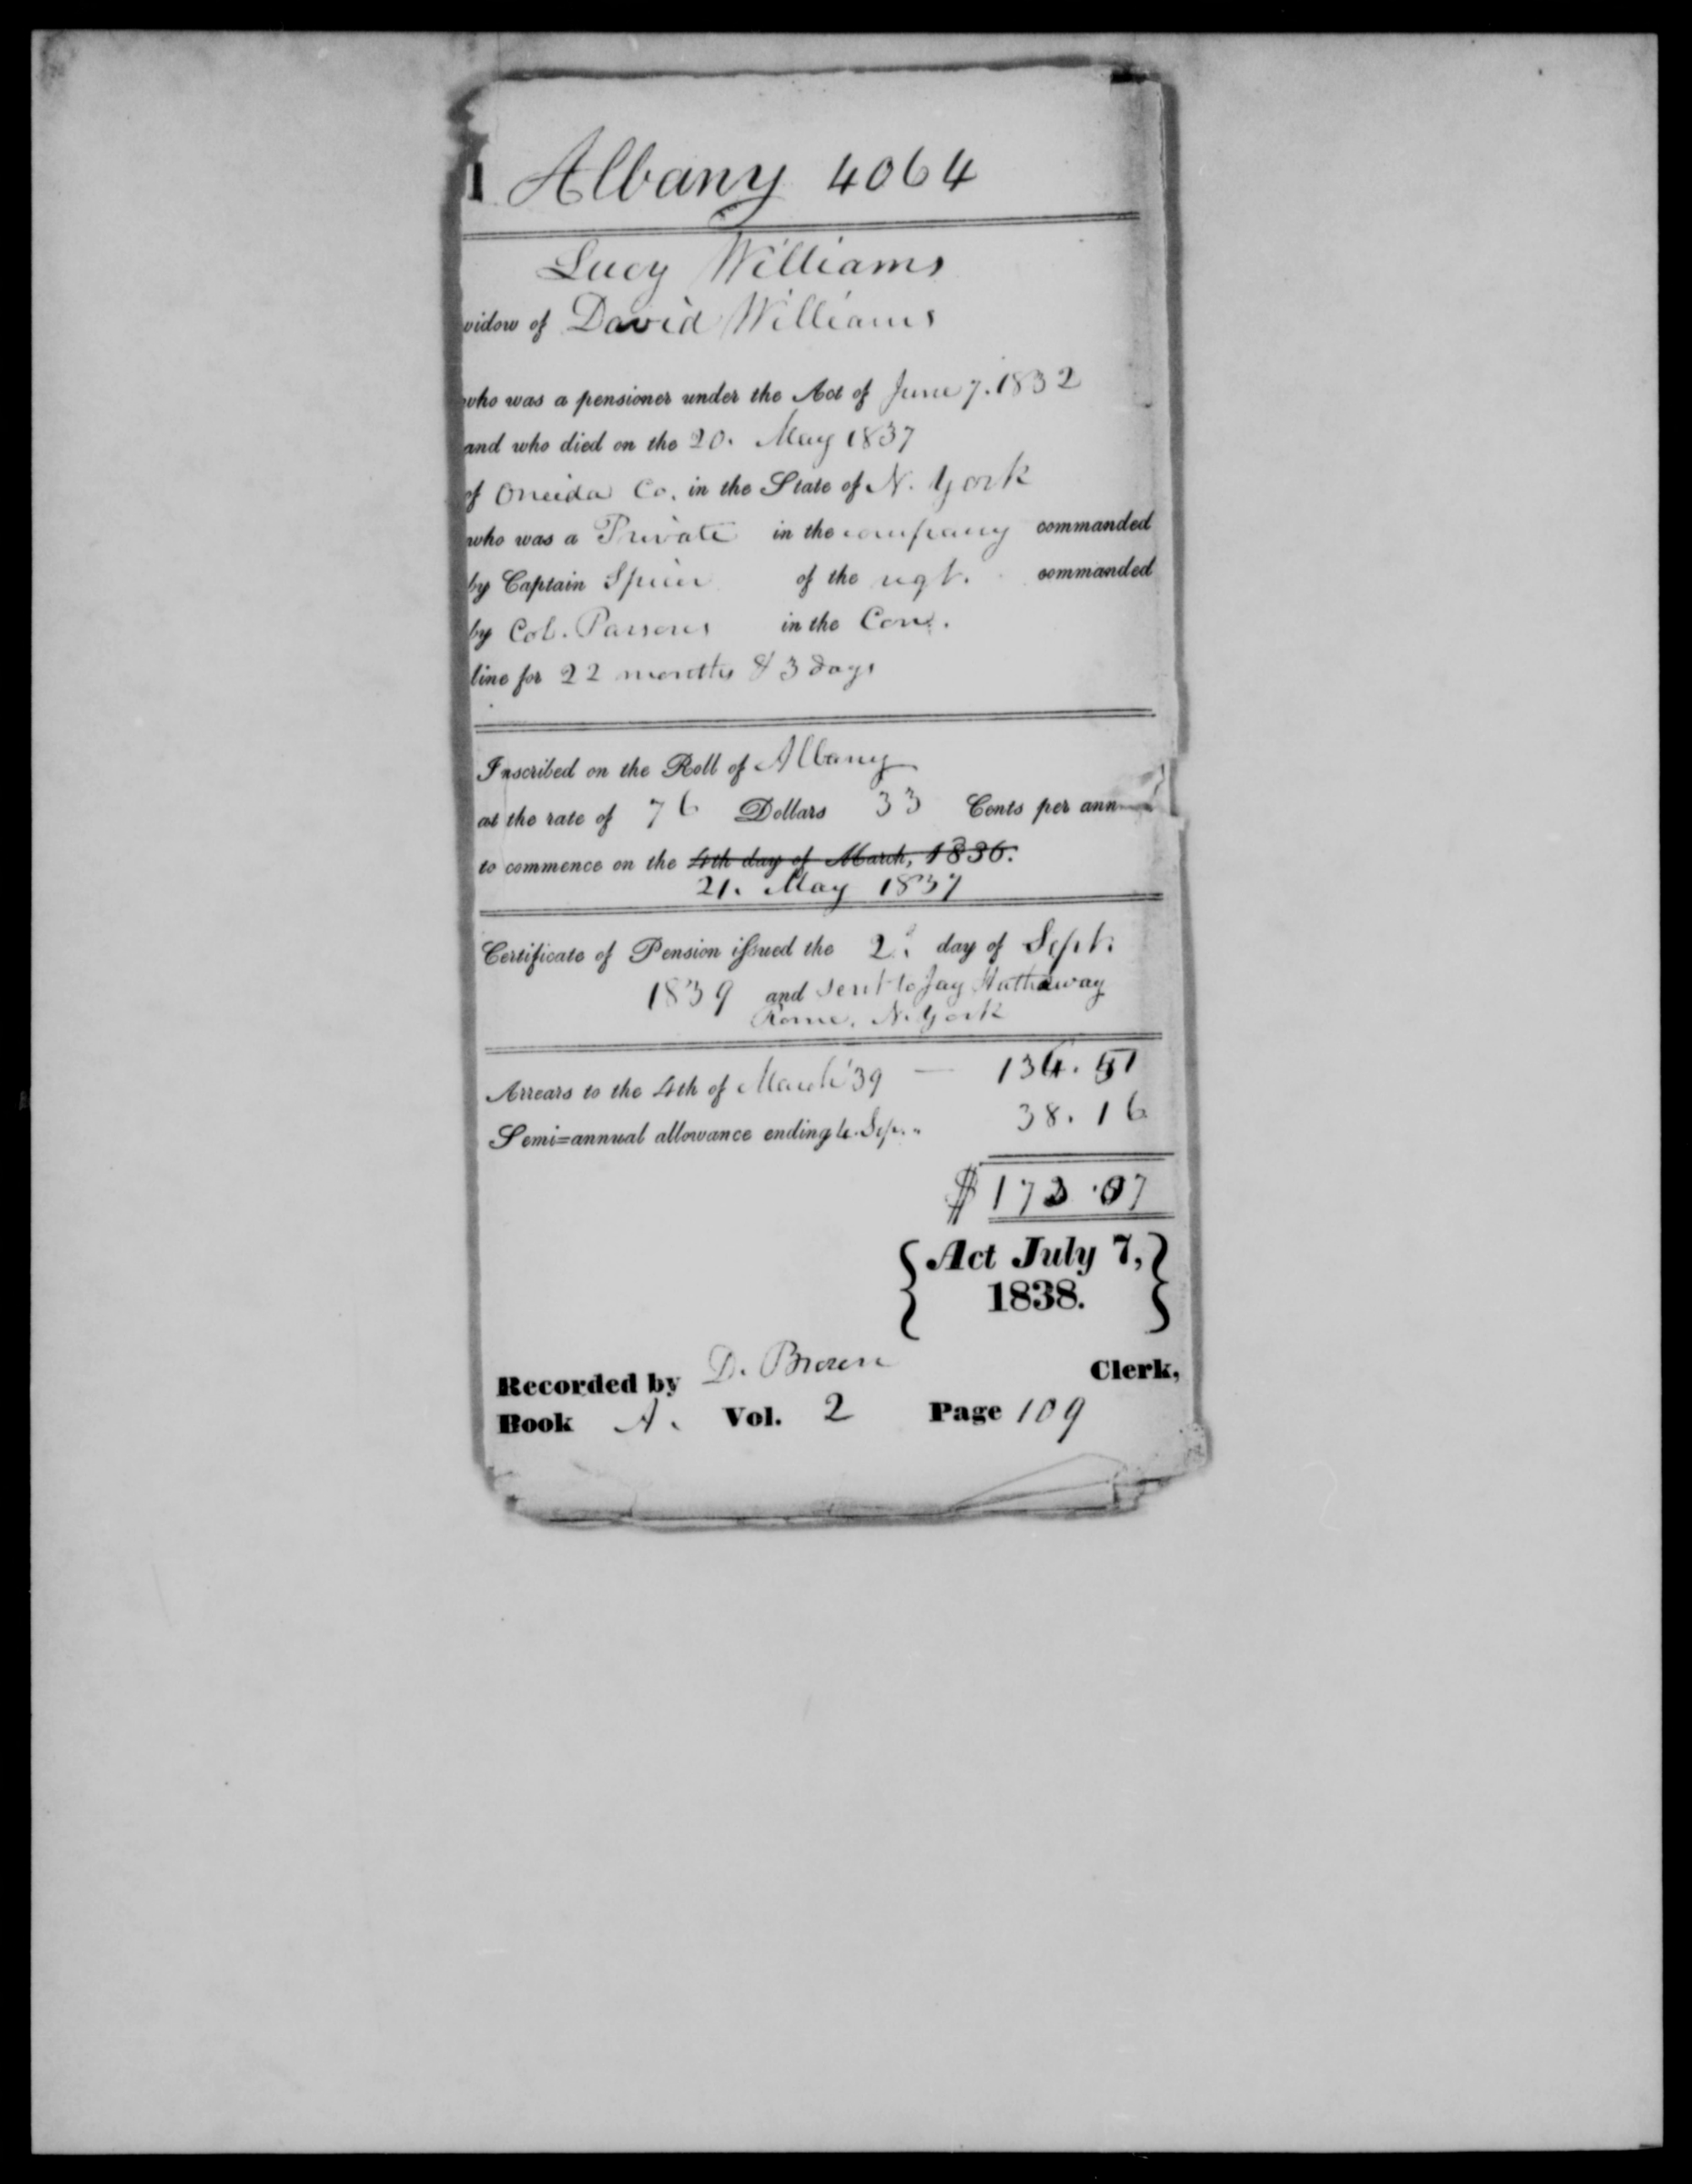Albany 4064
Lucy Williams widow of David Williams who was a pensioner under the Act of June 7, 1832 and who died on the 20 May 1837 of Oneida Co. in the State of N. York who was a Private in the company commanded by Captain Spicer of the regt. commanded by Col. Parsons in the Conn line for 22 months & 3 days.
Inscribed on the Roll of Albany at the rate of 76 Dollars 33 Cents per ann. to commence on the 21 May 1837

Certificate of Pension issued the 2d day of Sept. 1839 and sent to Jay Hathaway Rome, N. York
Arrears to the 4th of March '39  134.51
Semi-annual allowance ending 6 Sep.  38.16
  $172.07
{Act July 7, 1838}
Recorded by D. Brown Clerk,
Book A. Vol 2 Page 109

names: Jay Hathaway, Parsons, D Brown, Spicer, David Williams, Lucy Williams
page: 27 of 63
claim: widow's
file: W. 22,632, David Williams, Conn. Continental Privateer